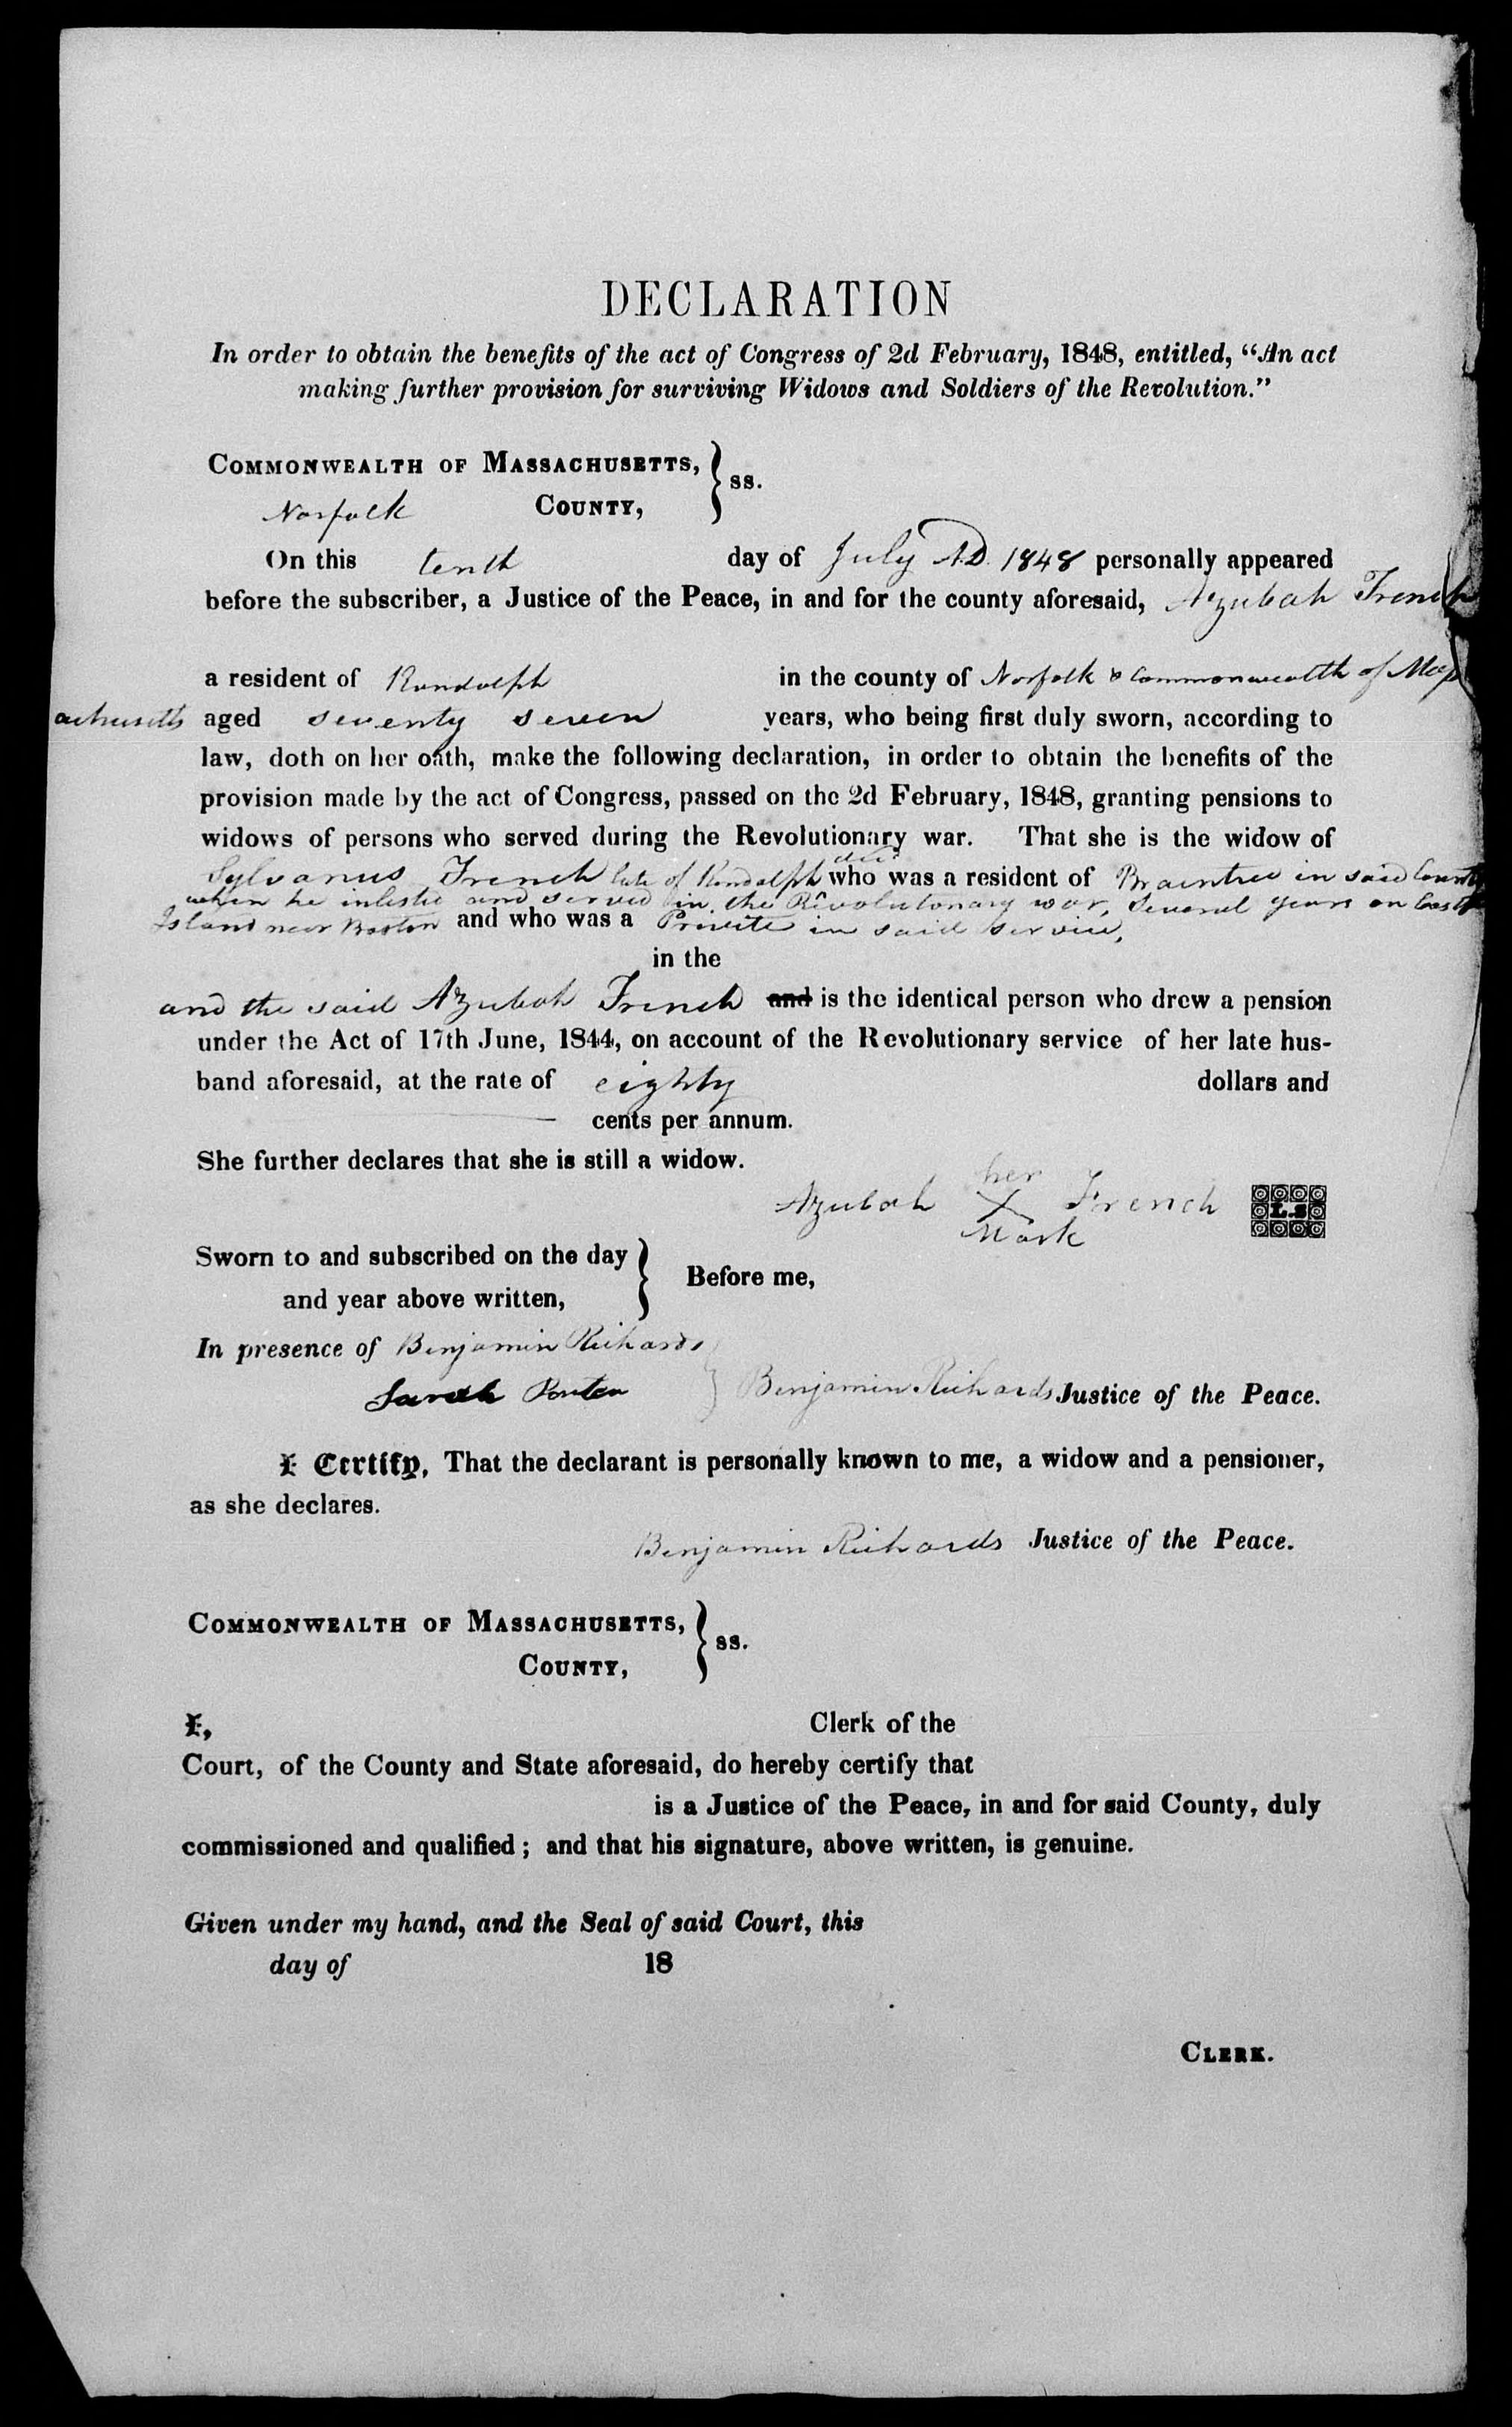DECLARATION
In order to obtain the benefits of the act of Congress of 2d February, 1848, entitled "An act 
making further provision for surviving Widows and Soldiers of the Revolution." 

COMMONWEALTH OF MASSACHUSETTS, Norfolk COUNTY, ss

On this tenth day of July A.D. 1848 personally appeared before the subscriber, a Justice of the Peace, in and for the county aforesaid, Azubah French a resident of Randolph in the county of Norfolk & Commonwealth of Massachusetts, aged seventy seven years, who being first duly sworn, according to law, doth on her oath, make the following declaration, in order to obtain the benefits of the provision made by the act of Congress, passed on the 2d February, 1848, granting pensions to widows of persons who served during the Revolutionary war. 

That she is the widow of Sylvanus French late of Randolph who was a resident of Braintree in said County when he inlisted and served in the Revolutionary war, several years on Castle Island near Boston and who was a Private in said service in the and the said Azubah French is the identical person who drew a pension under the Act of 17th June, 1844, on account of the Revolutionary service of her late husband aforesaid, at the rate of eighty dollars and cents per annum. 

She further declares that she is still a widow. Azubah her X mark French
mark 

Sworn to and subscribed on the day and year above written, In presence of Benjamin Richards Sarah Porter 
Benjamin Richards Justice of the Peace 

I Certify, That the declarant is personally known to me, a widow and a pensioner, as she declares.
Benjamin Richards Justice of the Peace 

COMMONWEALTH OF MASSACHUSETTS, COUNTY, ss ,

I Clerk of the Court of the County and State aforesaid, do hereby certify that is a Justice of the Peace, in and for said County, duly commissioned and qualified; and that his signature, above written, is genuine. Given under my hand, and the Seal of said Court, this day of 18 CLERK.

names: Benjamin Richards, Sarah Porter, Benjamin Richards, Azubah French, Benjamin Richards, Azubah French, Sylvanus French, Azubah French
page: 31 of 38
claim: widow's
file: W. 24,235, Silvanus French, Mass.